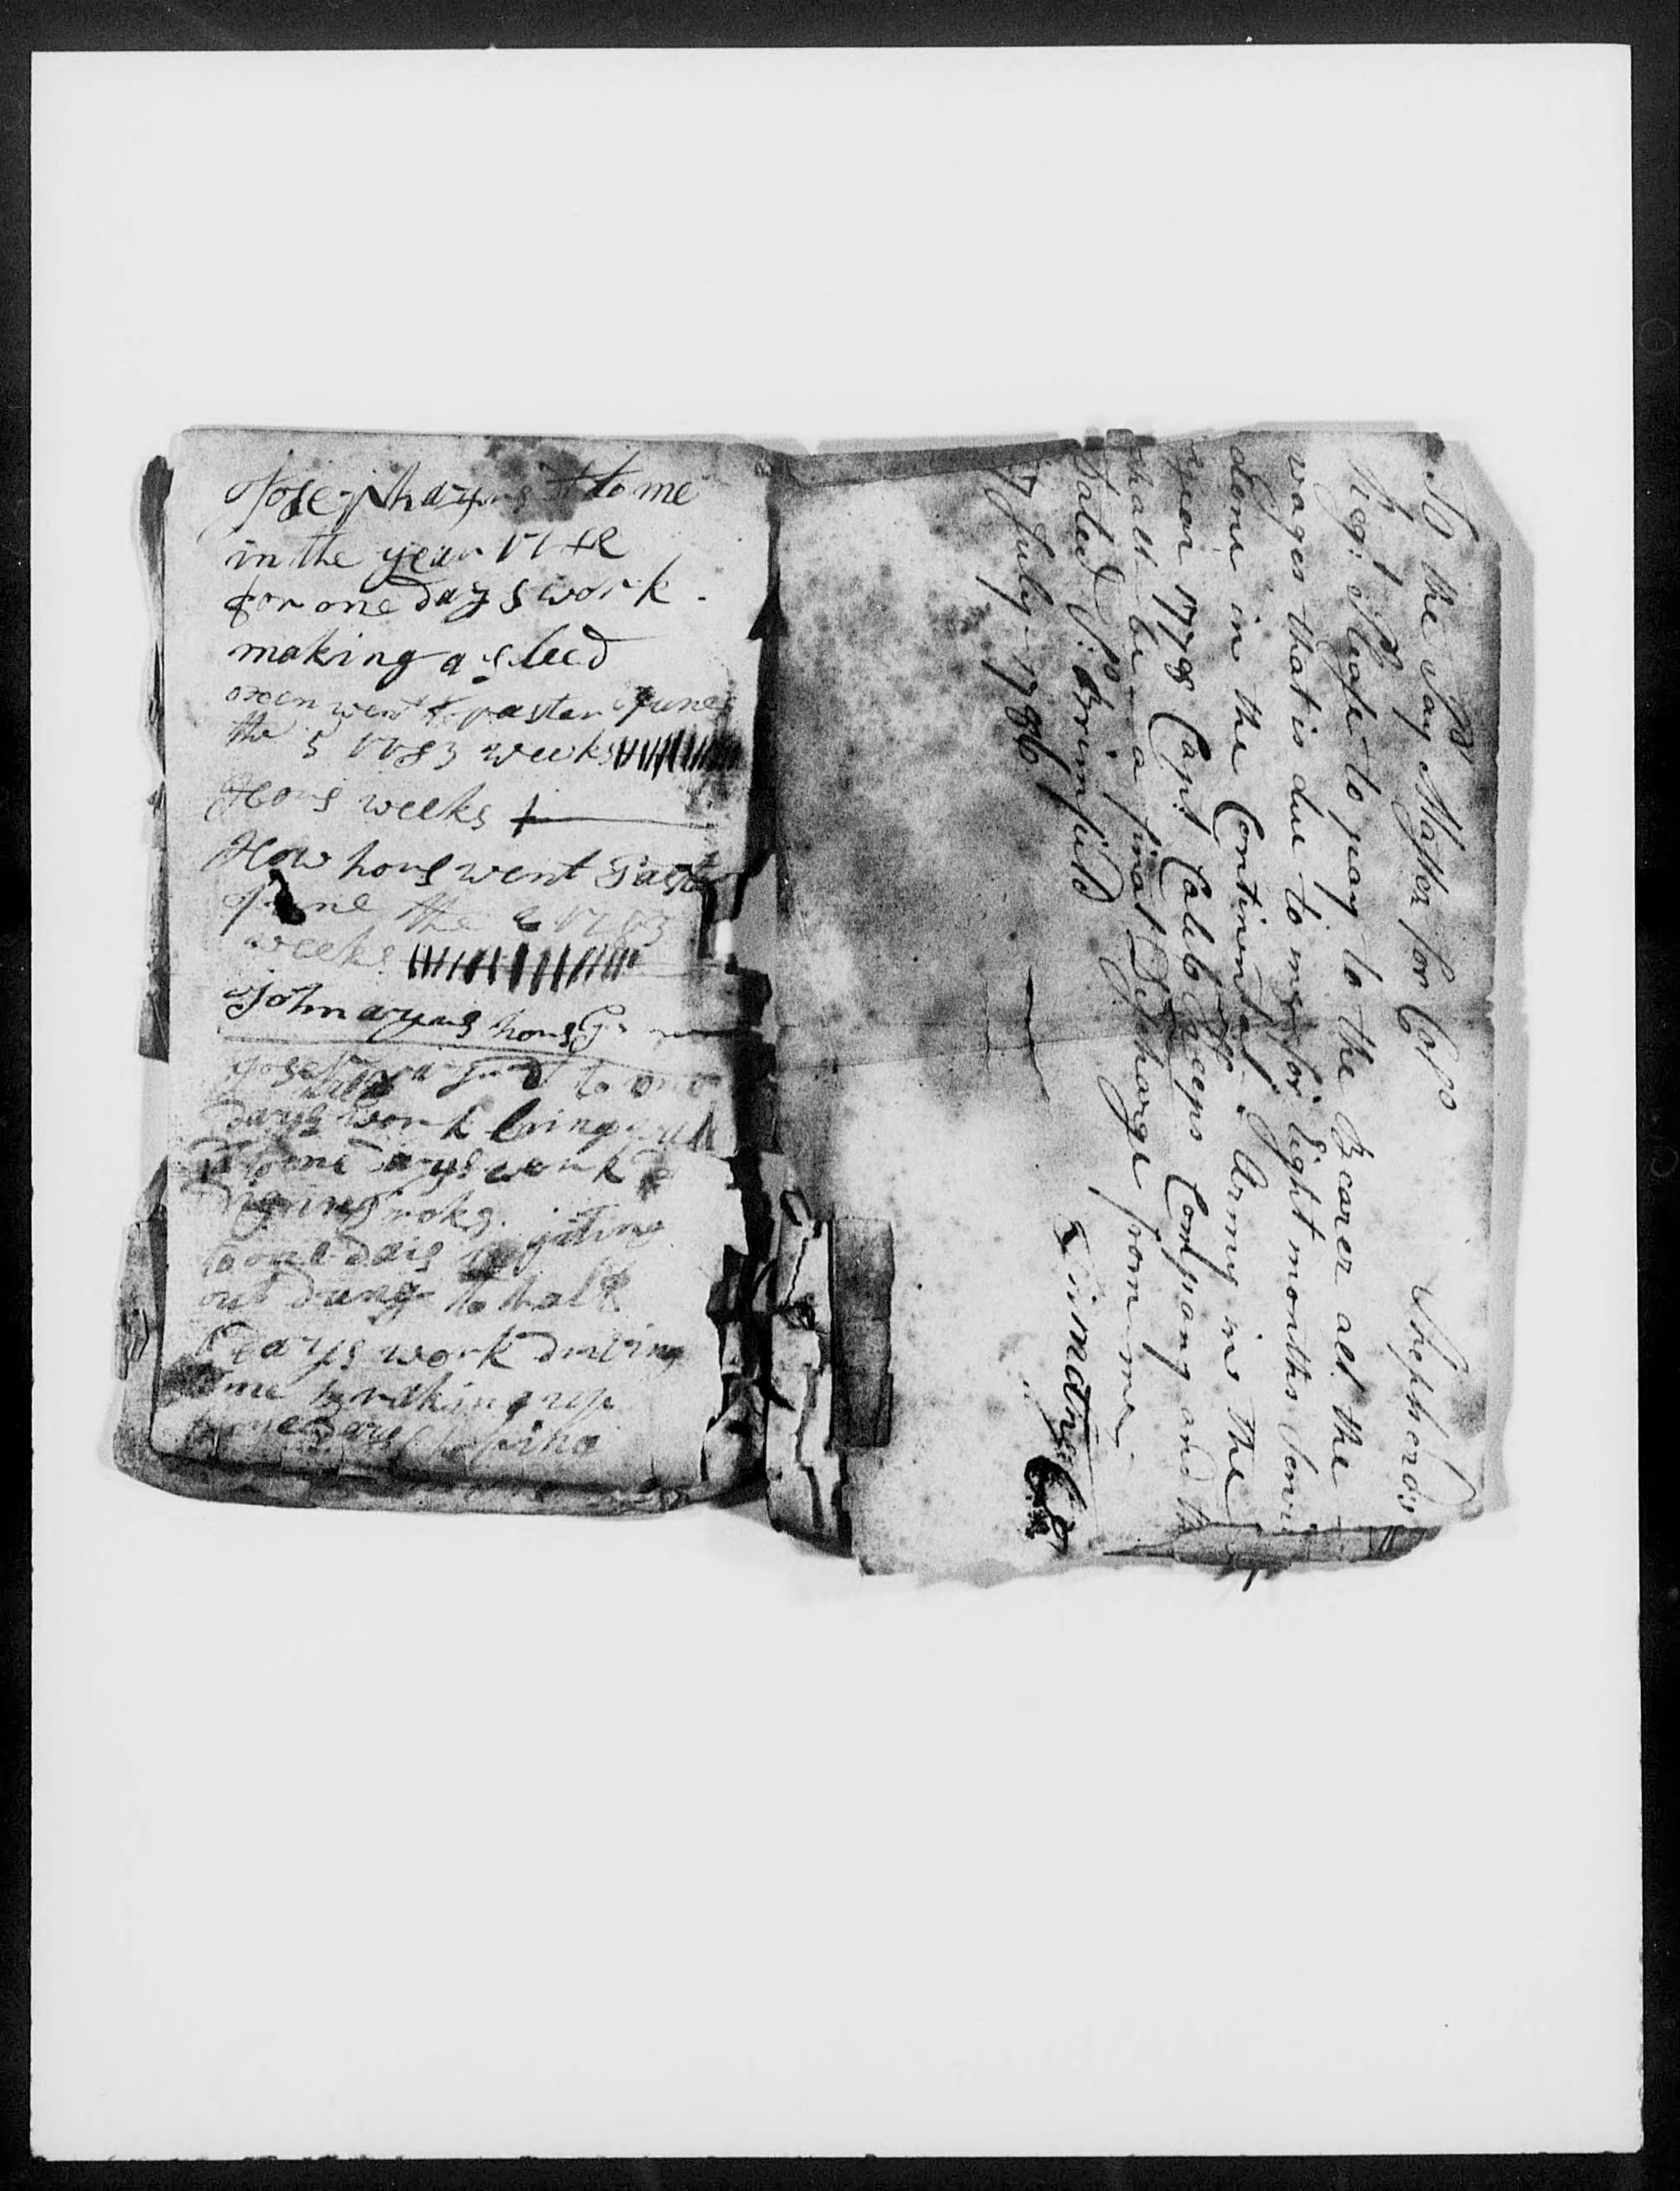[Left side:]
Joseph [illegible] to me in the year 1789 for one day’s work making a sled
[illegible] went to [illegible] June the 5 1783 weeks |||||||||
John Ayers house [illegible]
Joseph [illegible] January to [illegible] [illegible] [illegible] [illegible] L. [illegible]
[illegible] [illegible]work
[illegible] [illegible] 
[illegible] dig gating
Out dung. No walk [illegible]days work [illegible]
[illegible] [rest of left side s illegible]

[Right side]
To the paymaster for [illegible]
Pleas to pay to the bearer all the wages that is due to me for eight months service done in the Continental army in the year 1776 Captain Caleb Sheep’s Company and shall be a final discharge from me-
Dated Brimfield 7 July 1786
Timothy Corliss [presumed]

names: John Ayers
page: 12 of 34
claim: widow's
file: W. 20,896, Timothy Corless, Continental Mass